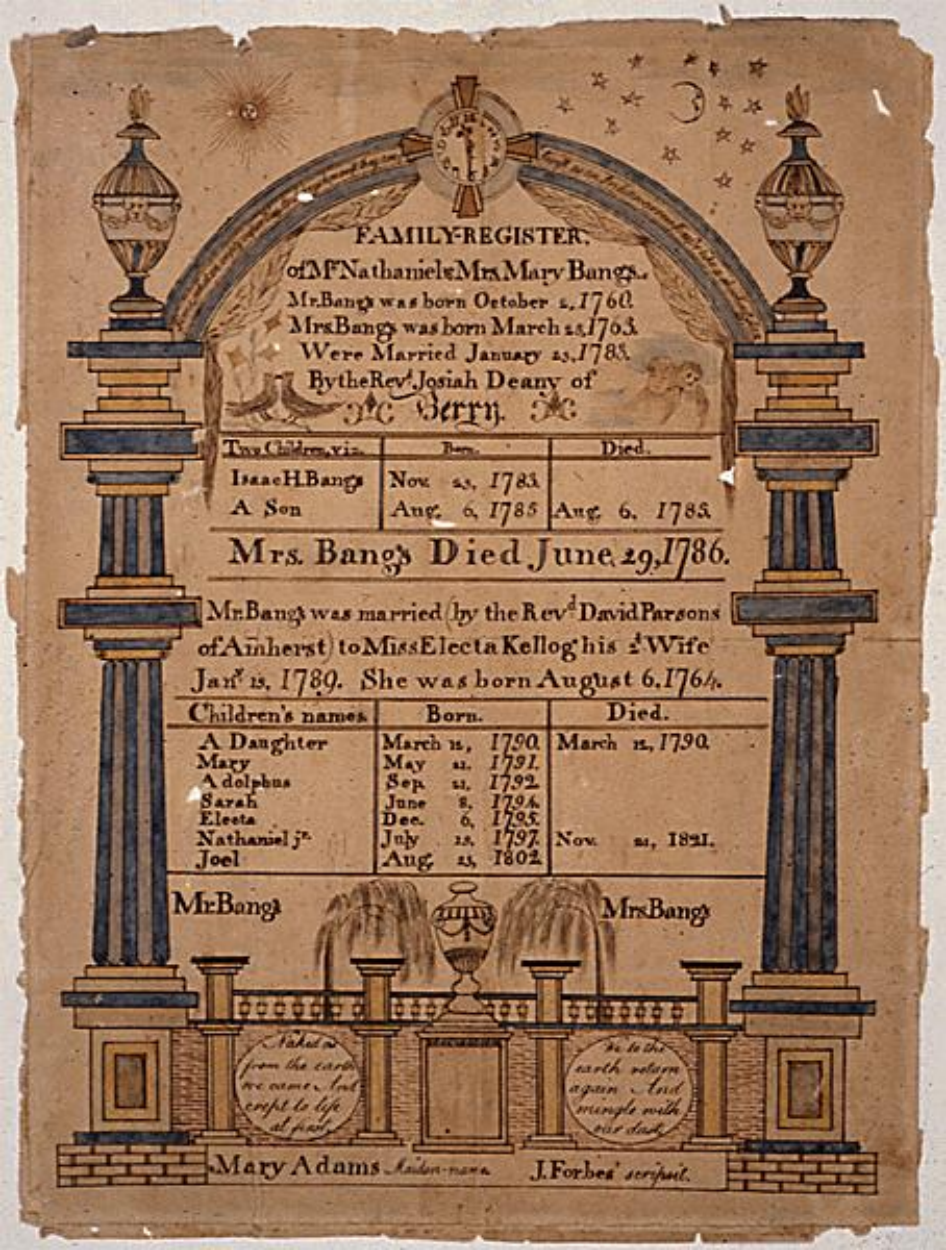FAMILY REGISTER
 of Mr Nathaniel and Mrs Mary Bangs
Mr Bangs was born Oct 1. 1760
Mrs Bangs was born March 28. 1763
Were married January 25. 1783
By the Rev. Josiah Deany of
                    Berry

Two Children                   Born                       Died 
Isaac H. Bangs           Nov. 25 1783
A Son                             Aug 6 1785                Aug 6 1785

Mrs. Bang's died June, 29, 1786.

Mr. Bangs was married (by the Rev David Parsons
of Amherst) to Miss Electa Kellog his 2nd wife
Jan 15, 1789. She was born August 6, 1765.

Children's names.                        Born.                     Died. 
A daughter                        March 15, 1790              March 15, 1790.
Mary                                     May 22, 1791
Adolphus                           Sept 22, 1792
Sarah                                   June 8, 1794
Electa                                  Dec 6, 1795
Nathanial Jr.                    July 18, 1797                   Nov 24, 1831
Joel                                      Aug 25, 1802

Mr. Bangs                                                                  Mrs. Bangs

"Naked out from the earth we came, And [ineligible] to life at first."

"We to the earth return again, And mingle with our [ineligible]"

Mary Adams  Maiden name                 J. Forbes [unknown]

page: 1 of 1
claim: widow's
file: W14231 for Nathaniel Bangs, Massachusetts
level: item